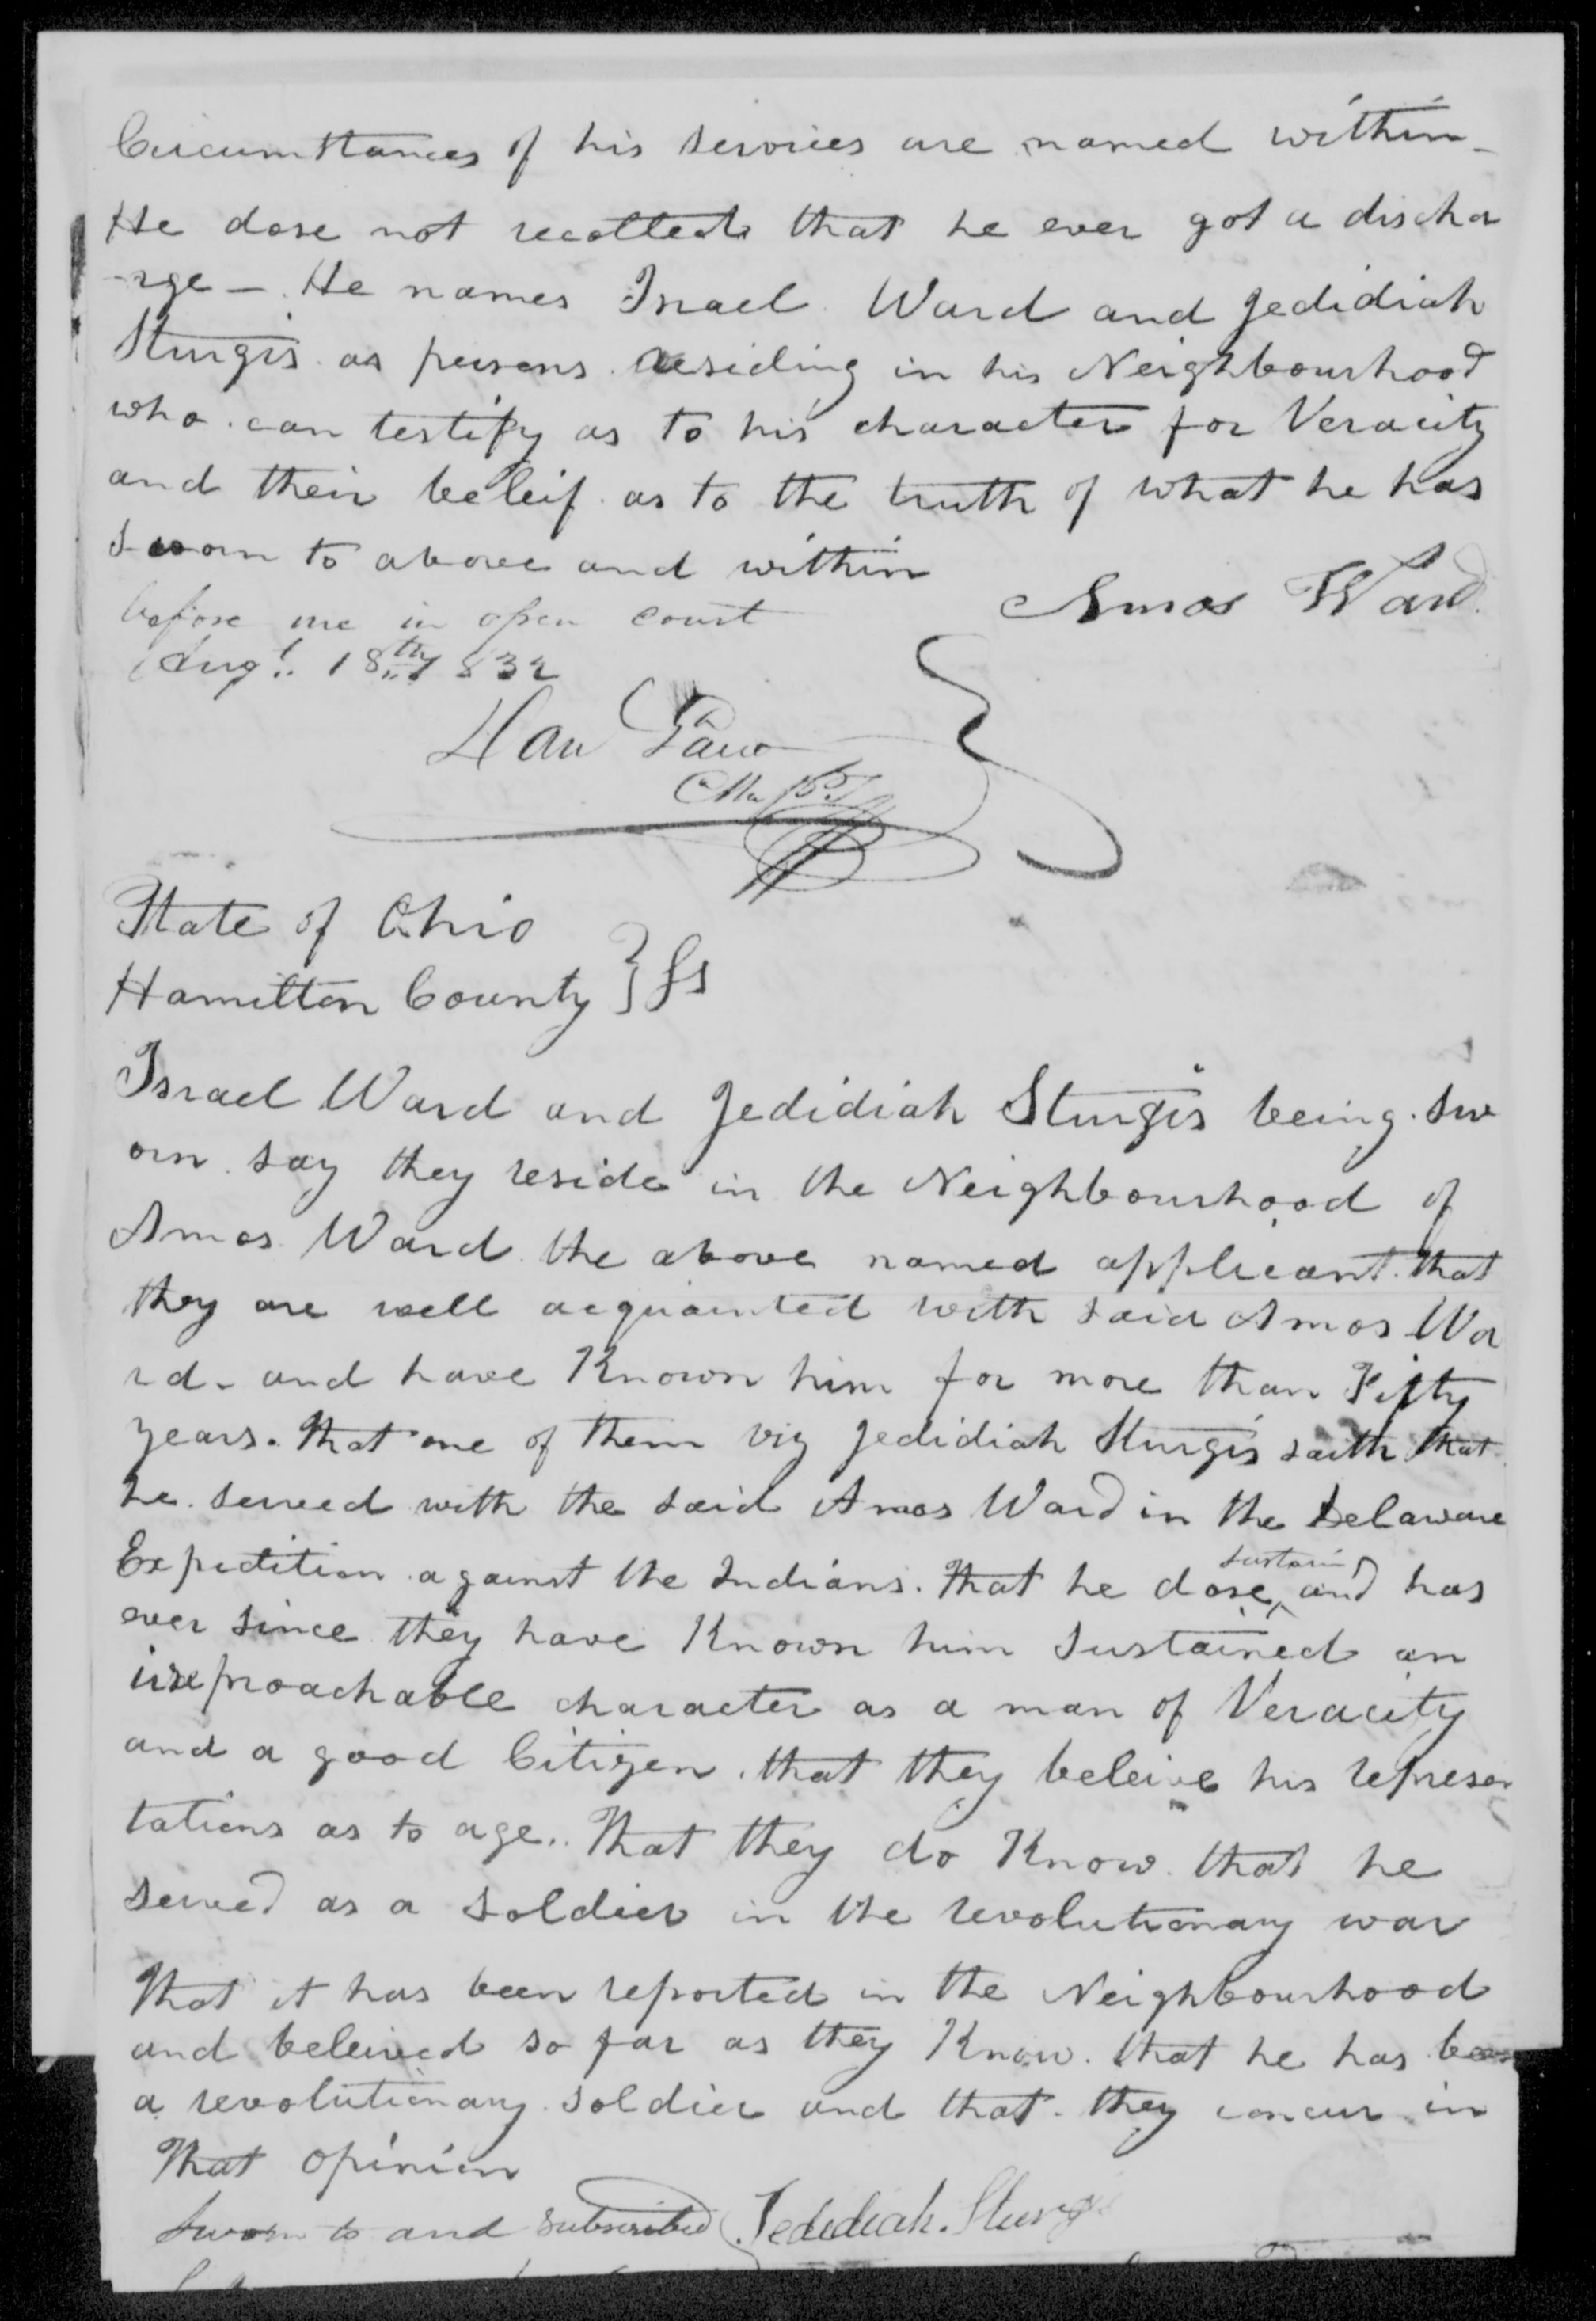Circumstances of his services are named within He dose not recollect that he ever got a discharge - He names Israel Ward and Jedediah Sturgis as persons residing in his Neighbourhood who. can testify as to his character for Veracity and their belief .as to the truth of what he has Sworn to above and within 
Amos Ward
before me in open Court Augt 18th 1832 
Dan Gano CMn Pl 

State of Ohio 
Hamilton County } SS 
Israel Ward and Jedidiah Sturges being. Sworn.  say they reside in the Neighbourhood of Amos Ward the above named applicant. that they are well acquainted with said Amos Ward _ and have Known him for more than Fifty years. that one of them viz Jedidiah Sturges saith that he served with the said Amos Ward in the Delaware Expedition against the Indians. That he dose Sustain and has ever since they have Known him Sustained an irreproachable character as a man of Veracity and a good Citizen . that they beleive his representations as to age. That they do know that he served as a Soldier in the revolutionary war That it has been reported in the Neighbourhood and beleived so far as they Know. that he has been a revolutionary soldier and that .they concur in That opinion
Jedediah Sturgis 
Sworn to and subscribed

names: Amos Ward, Amos Ward, Danl Gano, Amos Ward, Israel Ward, Amos Ward, Jedediah Sturgis, Israel Ward, Jedidiah Sturgis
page: 7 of 18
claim: survivor's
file: S. 4718, Amos Ward, New Jersey